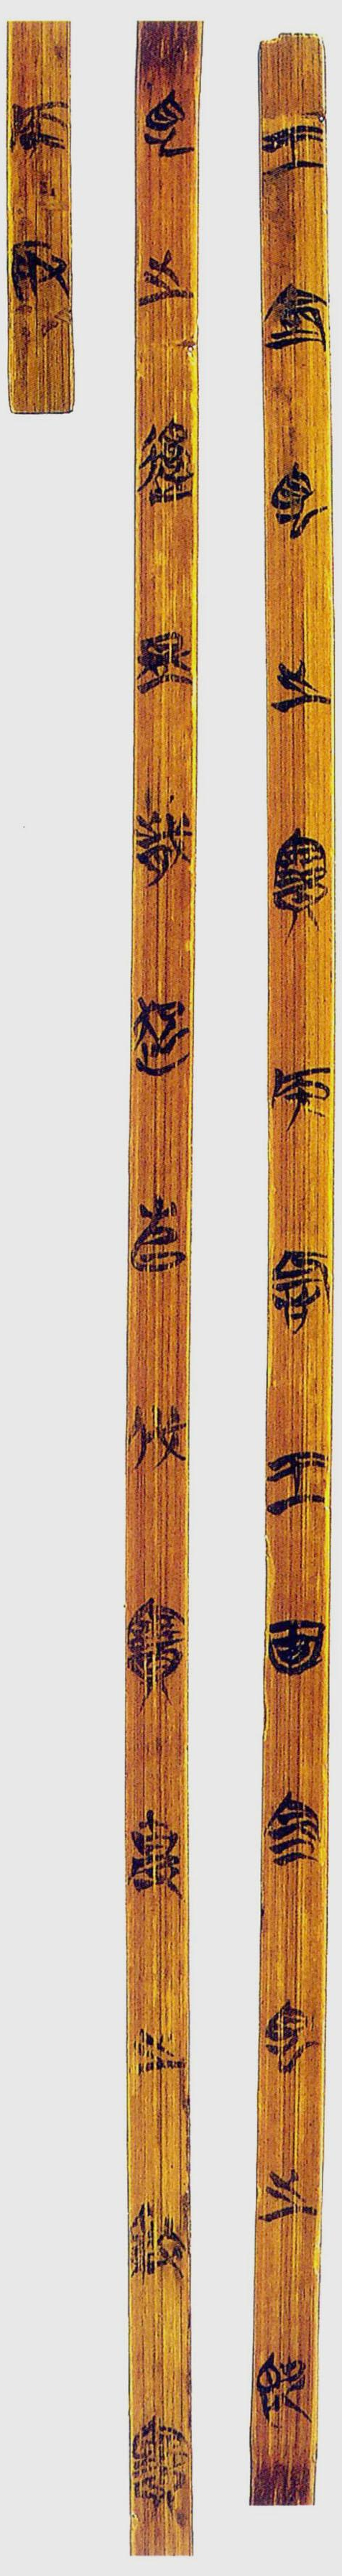王命見之賽侯怠王固命見之既見之還昷歲起{山𡴎}伐賽尅之殺賽侯取
